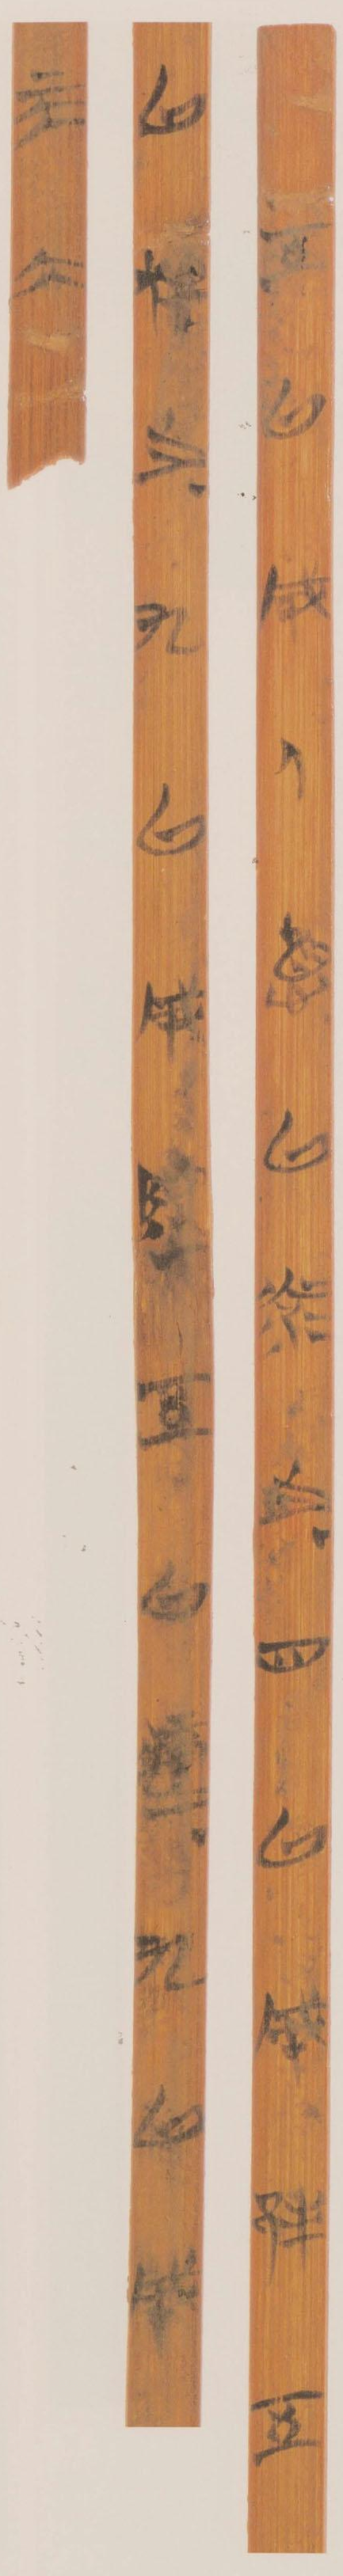五㠯（以）成人惪㠯（以）光之四㠯（以）成邦五㠯（以）{相又}之九㠯（以）成地五㠯（以）{𨟻止}九㠯（以）成天六
